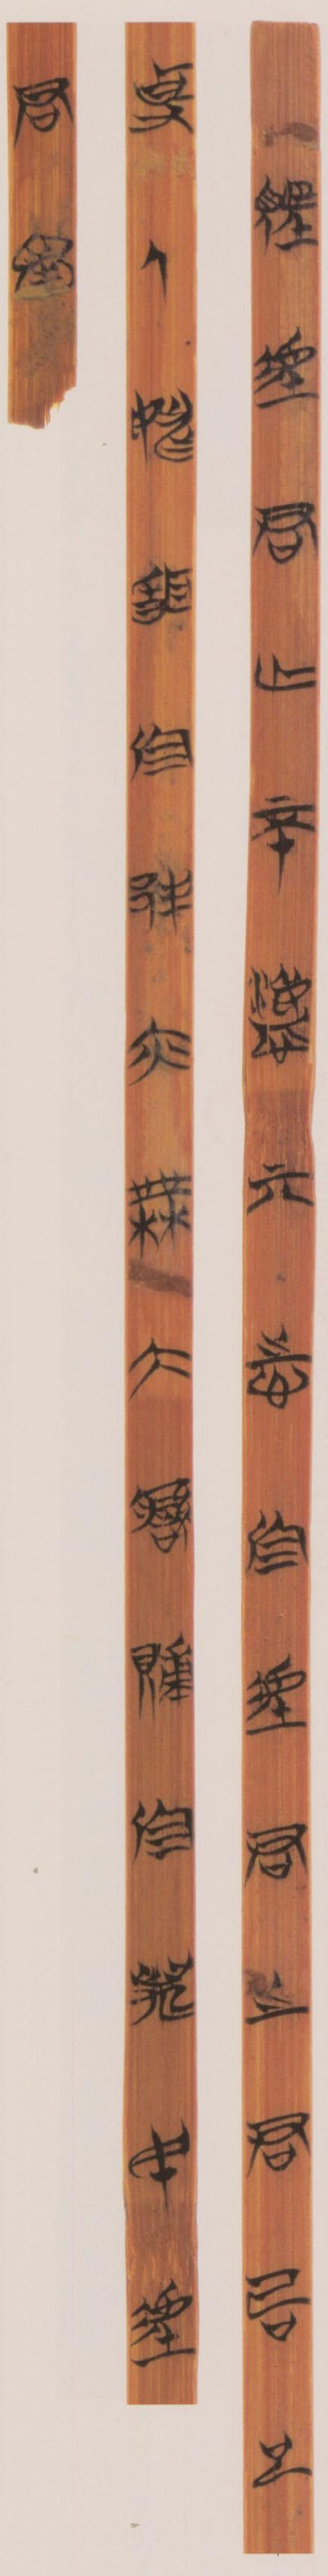{見望}𫊟君亡不溋亓（其）志於𫊟君之君{己口}也史人姚䎽於邦=亦無大䌛{貝甫}於萬民𫊟君函
